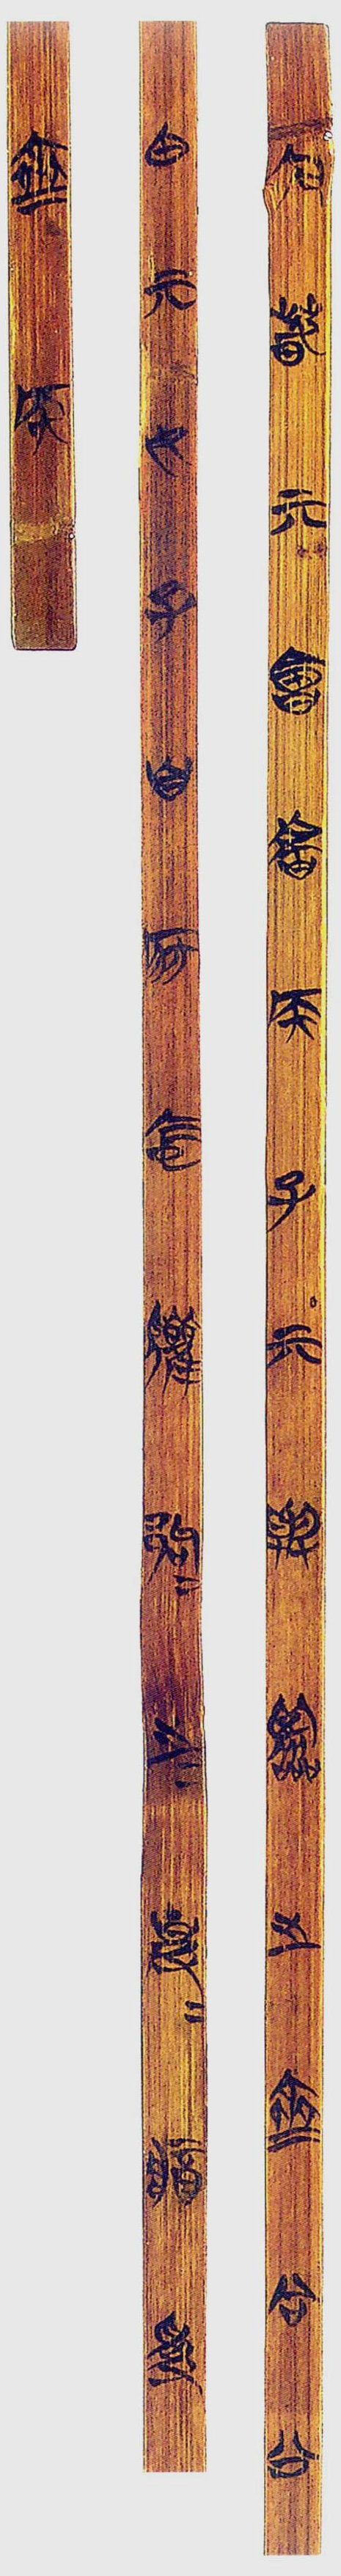今萅亓會者侯子亓與臨之齊冋公囟亓女子自房{宀𠁩}觀邭=之=尅=𨟻受齊侯
